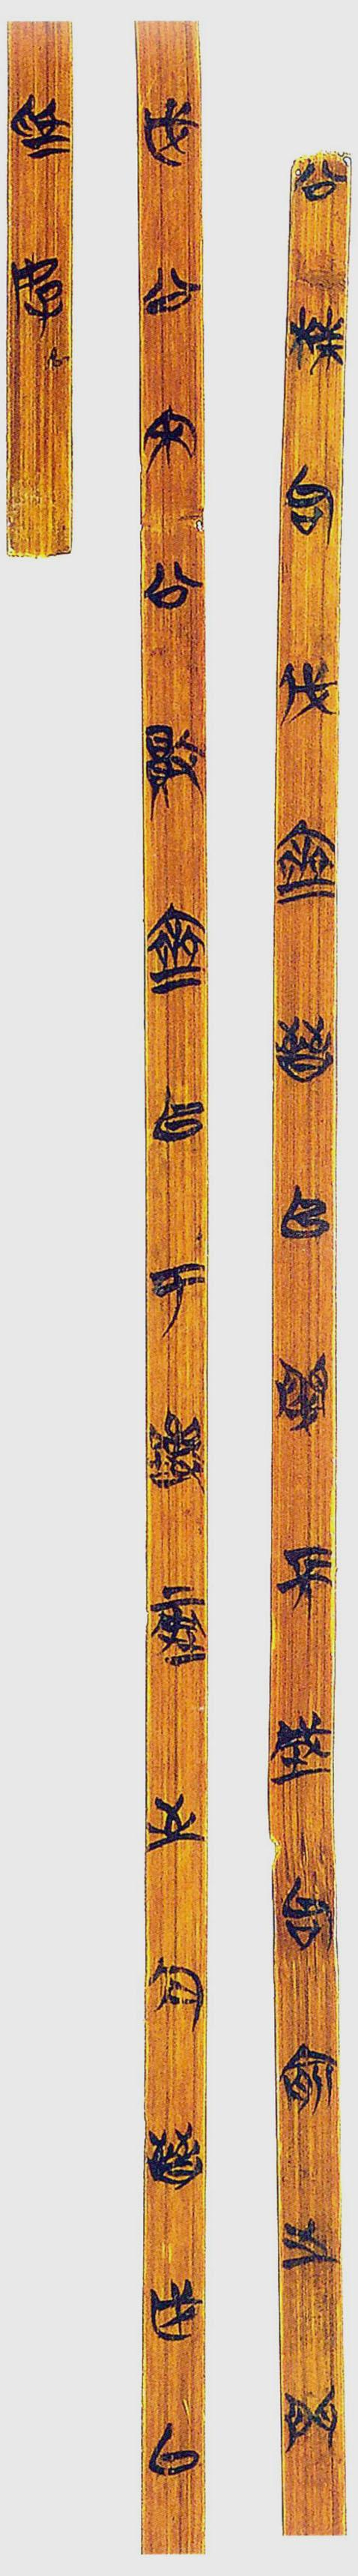公株句伐齊晉𠂤{門戈}長城句俞之門戉公宋公敗齊𠂤于襄坪至今晉戉㠯（以）爲好
